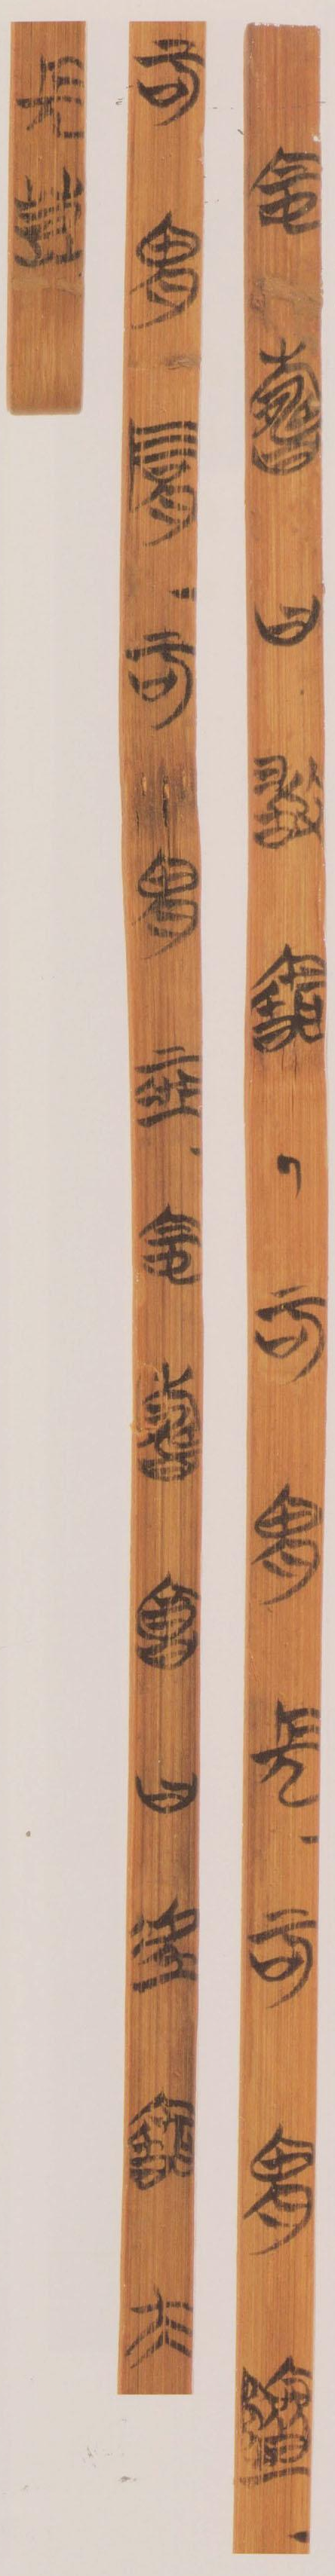{宀𠁩}壽曰敢{尒䎽}人可胃長可胃險可胃{厂肙}可胃亞{宀𠁩}壽會[合]曰𫊟{尒䎽}夫長莫
